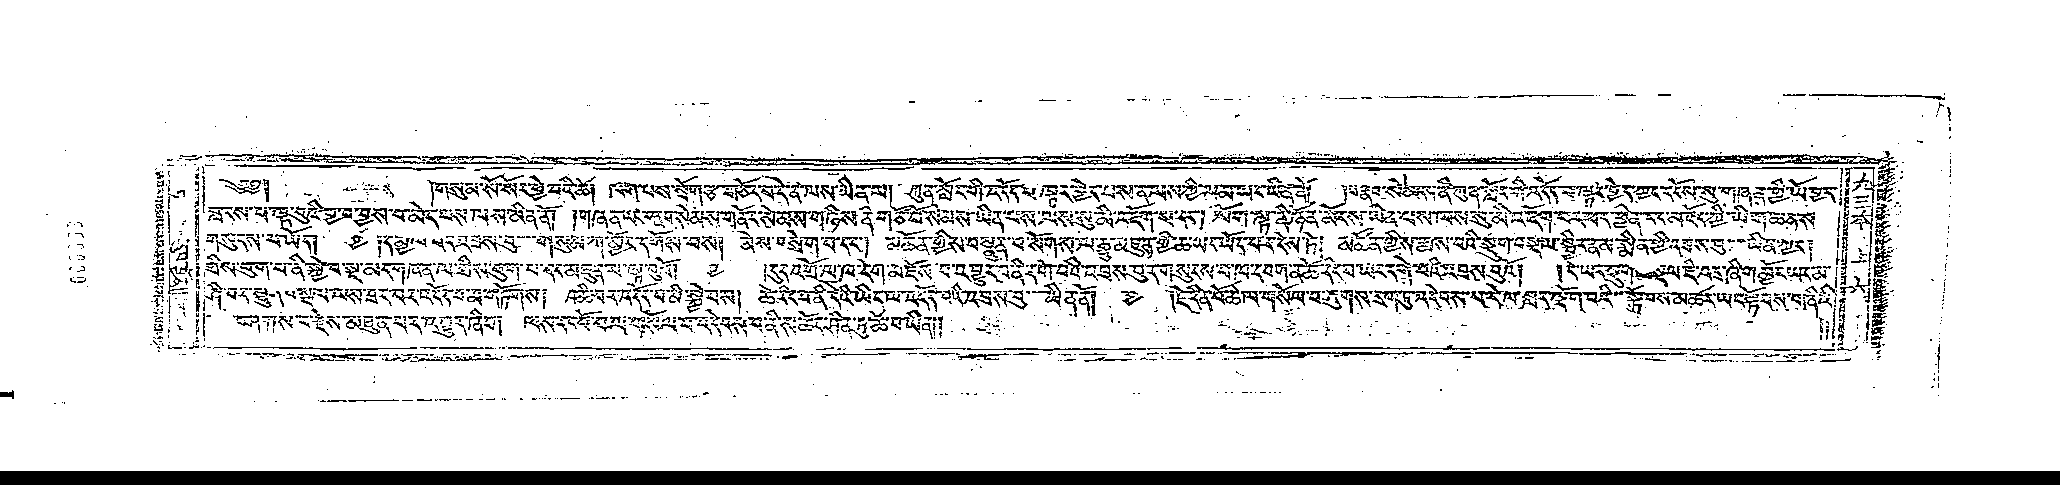༄༅། །གསུམ་སོ་སོར་ཕྱེ་བའི་ཚེ། ལག་པས་སྲོག་རྩ་གཅོད་བདེ་ནི་ལས་ཡིན་ལ། བུན་སློང་གི་འདོད་པ་ལྟར་བྱེད་པས་ན་ལས་ཀྱི་ལམ་ཡང་ཡིན་ནོ། །བརྣབ་སེམས་ནི་ཀུན་སློང་གི་འདོད་པ་ལྟར་བྱེད་ཀྱང་དངོས་སུ་གཞན་གྱི་ཡོ་བྱང་
བླངས་པ་ལྟ་བུའི་བྱ་བ་བྱས་པ་མེད་པས་ལས་མིན་ནོ། །གཞན་ཡང་བརྣབ་སེམས་གནོད་སེམས་གཉིས་ནི་གཙོ་བོ་སེམས་ཡིན་པས་ལས་སུ་མི་འཇོག་པ་དང་། ལོག་ལྟ་ནི་ཉོན་མོངས་ཡིན་པས་ལས་སུ་མི་འཇོག་པར་ཕར་ཕྱིན་དང་མཛོད་ཀྱི་ཡིག་ཆ་ནས་
གསུངས་པ་ཡོད། ༧་།དམྱལ་བར་འབྲས་བུ་གསུམ་ཀ་མྱོང་དགོས་པས། མེས་བསྲེག་པ་དང་། མཚོན་གྱིས་བསྣུན་པ་སོགས་ལ་རྒྱུ་མཐུན་གྱི་ཆ་ཡད་ཡོད་པར་ངེས་ཏེ། མཚོན་གྱིས་རྨས་པའི་སྡུག་བསྔལ་སྤྱིར་རྣམ་སྨིན་གྱི་འབྲས་བུ་ཡིན་ཀྱང་།
གྲིས་ཕུག་པ་ནི་སྐྱེ་བ་སྔ་མར་གཞན་ལ་གྲིས་ཕུག་བ་དང་མཐུན་པ་ལྟ་བུའོ། ༧་།དུད་འགྲོ་ལ་དོག་མཛེས་པ་འབྱུང་བ་ནི་དགེ་བའི་འབྲས་བུར་གསུངས་པ་ལ་དཔག་ན་ཚེ་རིང་བ་ཡང་དགེ་བའི་འབྲས་བུའོ། །དེ་ཡང་སྡུག་བསྔལ་ཇི་འདྲ་ཞིག་མྱོང་ཡང་མ་
ཤི་བར་སྡུག་བསྔལ་ལས་ཐར་བར་འདོད་པ་མ་གཏོགས། འཆི་བར་འདོད་བ་མི་སྐྱེ་བས། ཚེ་རིང་བ་ནི་དེའི་ཡིད་ལ་འདོད་པའི་འབྲས་བུ་ཡིན་ནོ། ༧་།རྗེ་རིན་པོ་ཆེ་ལ་གསོལ་བ་ཤུགས་དྲག་ཏུ་འདེབས་པ་དེ་ལ་སླར་ལྡོག་བའི་སྟོབས་མཚང་ཡང་སྟོབས་བཞིའི་
བཤགས་པ་རྗེས་མཐུན་པར་འགྱུར་ཞིང་། ལས་དང་པོ་པ་ལ་གསོལ་བ་འདེབས་པ་ནིས་ཆོད་ཤིན་ཏུ་ཆེ་བ་ཡིན།། །། ༧་པར་ཡིག་པ་དགེ་སློང་བློ་བཟང་མཁས་གྲུབ་པོ།། །།